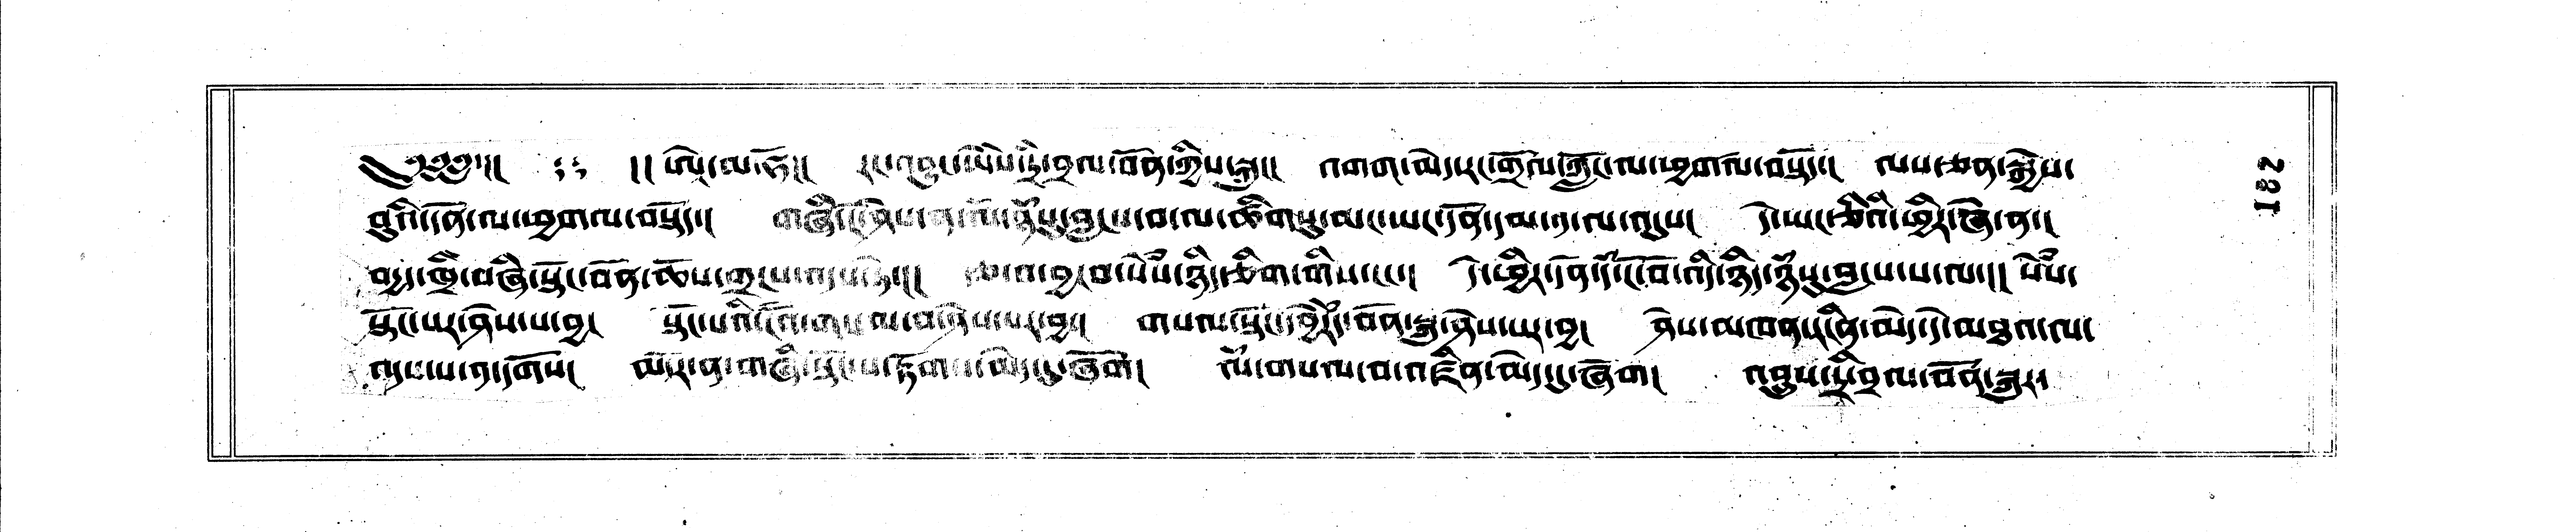༄༅༅།། ཨེ་མ་ཧོ།། རང་འབྱུང་ཡེ་ཤེས་དྲི་བྲལ་བོན་གྱི་སྐུ། འགག་མེད་རང་གྲོལ་ཀློང་ལ་ཕྱག་འཚལ་བསྟོད། ལས་ཅན་སྐྱེས་
བུ་དོན་ལ་སྙག་པའི་བུས། གཞི་ངོའོ་ཤེས་ན་”ལམ་”ཉམས་སུ་བླངས་ལ། ཚིགས་སུ་མང་ཡང་དོན་དམ་གཅིག་ལ་འདུས། དེ་ཡང་ཅིའི་ཕྱིར་ཞེ་ན། 
བརྒྱད་ཁྲི་བཞི་སྟོང་བོན་ཆོས་གྲངས་འདས་ཏེ། རྩ་བ་བྱང་ཆུབ་སེམས་ཀྱིས་ངང་། དེ་ཕྱིར་དོན་དམ་ངོའོ་འདི་ཉིད་ཉམས་སུ་བླངས་པ་ལ། སེམས་
ཉིད་སྟོང་པར་ཤེས་པར་བྱ། སྟོང་པའི་ངོའོ་གསལ་བར་ཤེས་པར་བྱ། གསལ་སྟོང་དབྱེར་མེད་བོན་སྐུར་ཤེས་པར་བྱ། ཤེས་མཁན་ལ་རང་བཞིན་མེད་དེ་མཐའ་ལ་
འདས་པ་གཅིག་དགོས། མདོར་ན་གཞི་སྟོང་ལ་རྟོག་མེད་དུ་ཞོག ལམ་གསལ་བ་འཛིན་མེད་དུ་ཞོག འབྲས་བུ་དྲི་བྲལ་བོན་སྐུར་